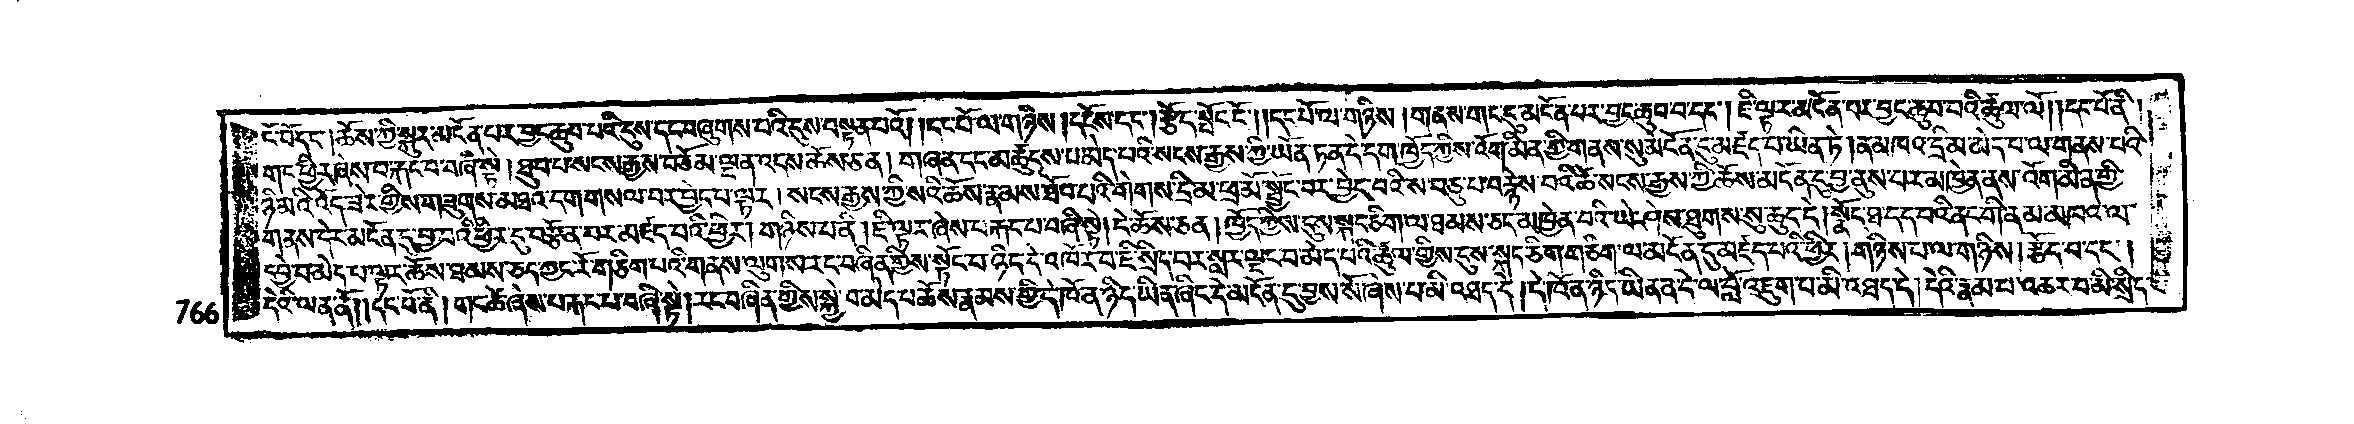ངོ་བོ་དང་། ཆོས་ཀྱི་སྐུར་མངོན་པར་བྱང་ཆུབ་པའི་དུས་དང་བཞུགས་པའི་དུས་བསྟན་པའོ། །དང་པོ་ལ་གཉིས། དངོས་དང་། རྩོད་སྤོང་ངོ། །དང་པོ་ལ་གཉིས། གནས་གང་དུ་མངོན་པར་བྱང་ཆུབ་པ་དང་། ཇི་ལྟར་མངོན་པར་བྱང་ཆུབ་པའི་ཚུལ་ལོ། །དང་པོ་ནི།
གང་ཕྱིར་ཞེས་པ་རྐང་པ་བཞི་སྟེ། ཐུབ་པ་སངས་རྒྱས་བཅོམ་ལྡན་འདས་ཆོས་ཅན། གཞན་དང་མཚུངས་པ་མེད་པའི་སངས་རྒྱས་ཀྱི་ཡོན་ཏན་དེ་དག་ཁྱོད་ཀྱིས་འོག་མིན་གྱི་གནས་སུ་མངོན་དུ་མཛད་པ་ཡིན་ཏེ། ནམ་མཁའ་དྲི་མ་མེད་པ་ལ་གནས་པའི་
ཉི་མའི་འོད་ཟེར་གྱིས་གཟུགས་མཐའ་དག་གསལ་བར་བྱེད་པ་ལྟར། སངས་རྒྱས་ཀྱི་སའི་ཆོས་རྣམས་ཐོབ་པའི་གེགས་དྲི་མ་ཕྲ་མོ་སྦྱོང་བར་བྱེད་པའི་ས་བཅུ་པ་བརྙེས་པའི་ཚེ་སངས་རྒྱས་ཀྱི་ཆོས་མངོན་དུ་བྱ་ནུས་པར་མཁྱེན་ནས་འོག་མིན་གྱི་
གནས་དེར་མངོན་དུ་བྱ་བའི་ཕྱིར་དུ་བརྩོན་པར་མཛད་པའི་ཕྱིར། གཉིས་པ་ནི། ཇི་ལྟར་ཞེས་པ་རྐང་པ་བཞི་སྟེ། དེ་ཆོས་ཅན། ཁྱོད་ཀྱིས་དུས་སྐད་ཅིག་ལ་ཐམས་ཅད་མཁྱེན་པའི་ཡེ་ཤེས་ཐུགས་སུ་ཆུད་དེ། སྣོད་ཐ་དད་པའི་ནང་གི་ནམ་མཁའ་ལ་
དབྱེ་བ་མེད་པ་ལྟར་ཆོས་ཐམས་ཅད་ཀྱང་རོ་གཅིག་པའི་གནས་ལུགས་རང་བཞིན་གྱིས་སྟོང་པ་ཉིད་དེ་འཁོར་བ་ཇི་སྲིད་པར་སླར་ལྡང་བ་མེད་པའི་ཚུལ་གྱིས་དུས་སྐད་ཅིག་གཅིག་ལ་མངོན་དུ་མཛད་པའི་ཕྱིར། གཉིས་པ་ལ་གཉིས། རྩོད་པ་དང་།
དེའི་ལན་ནོ། །དང་པོ་ནི། གང་ཚེ་ཞེས་པ་རྐང་པ་བཞི་སྟེ། རང་བཞིན་གྱིས་སྐྱེ་བ་མེད་པ་ཆོས་རྣམས་ཀྱི་དེ་ཁོ་ན་ཉིད་ཡིན་ཞིང་དེ་མངོན་དུ་བྱས་སོ་ཞེས་པ་མི་འཐད་དེ། དེ་ཁོ་ན་ཉིད་ཡིན་ན་དེ་ལ་བློ་འཇུག་པ་མི་འཐད་དེ། དེའི་རྣམ་པ་འཆར་བ་མི་སྲིད་